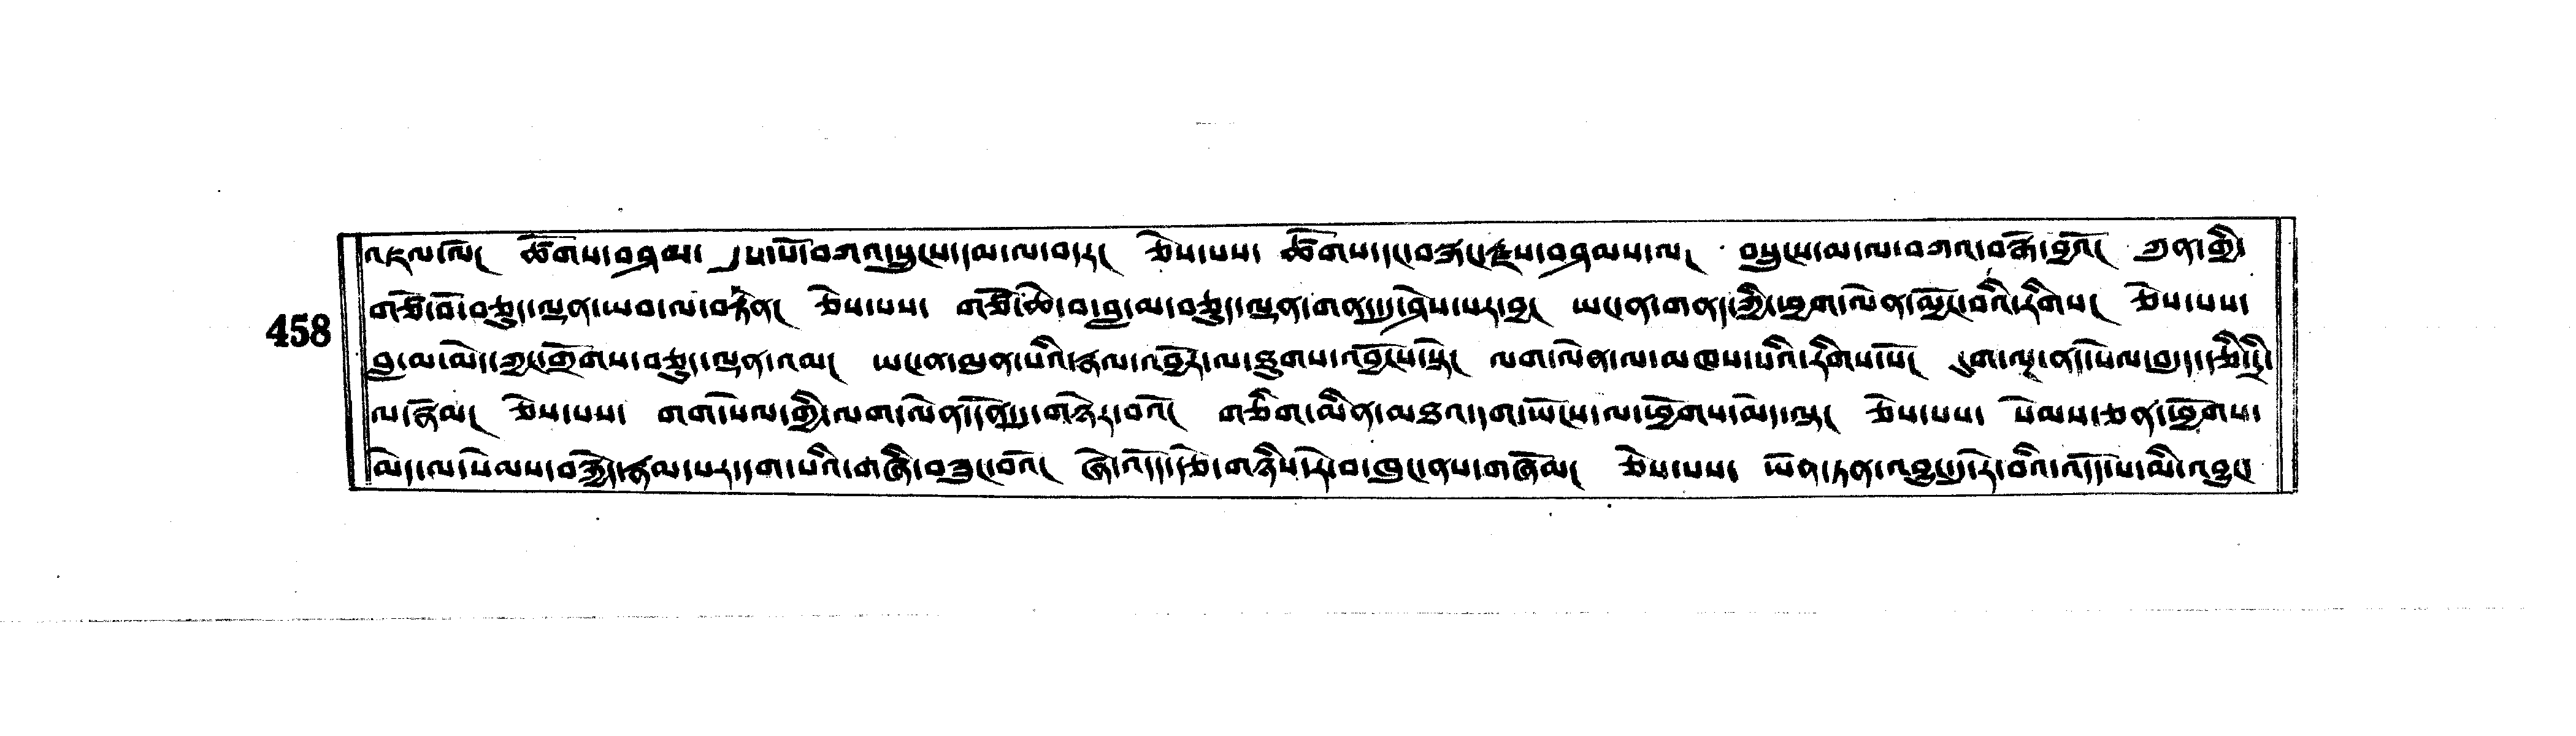འཇལ་ལོ། ཚོགས་བཤམ་འདུས་པོ་བཀའ་སྲུང་དམ་ལ་བདར། ཅེས་པས། ཚོགས་དང་བསྐང་རྫས་སྲུང་མ་ལ་བཀའ་བསྒོ་བྱའོ། ཀུན་གྱི་
གཙོ་བོ་བཅུད་ལྡན་ཡབ་ལ་བསྟེན། ཅེས་པས། གཙོ་ཆེ་བ་བླ་མ་བཅུད་ལྡན་གནད་དུ་ཤེས་པར་བྱ། ཡང་ན་གནད་ཀྱི་ཕྱག་ལེན་མྱོང་བའི་རིགས། ཅེས་པས།
 བླ་མ་མེད་ཀྱང་གྲོགས་བཅུད་ལྡན་འམ། ཡང་ན་མུན་པའི་རྣལ་འབྱོར་ལ་ཐུགས་འབྱོངས་ཏེ། ལག་ལེན་ལ་མཁས་པའི་རིགས་སོ། དུག་ལྔ་ནད་སེལ་བདུད་རྩི་དྲི་
ལ་སྣོམ། ཅེས་པས། གག་སེལ་གྱི་ལག་ལེན་དོན་དུ་གཉེར་བའོ། གཅིག་མིན་མཐའ་དག་ཡོངས་ལ་ཕྱོགས་མེད་ལྟ། ཅེས་པས། སེམས་ཅན་ཕྱོགས་
མེད་ལ་སེམས་བསྐྱེད་རྣམ་པར་དག་པའི་གཞི་བཟུང་བའོ། ཞེ་འདོད་རྩེ་གཉིས་རེ་བ་ཁུངས་ནས་གཞོམ། ཅེས་པས། ཡོན་ཏན་འབྱུང་དུ་རེ་བའི་འདོད་པ་མི་འབྱུང་།